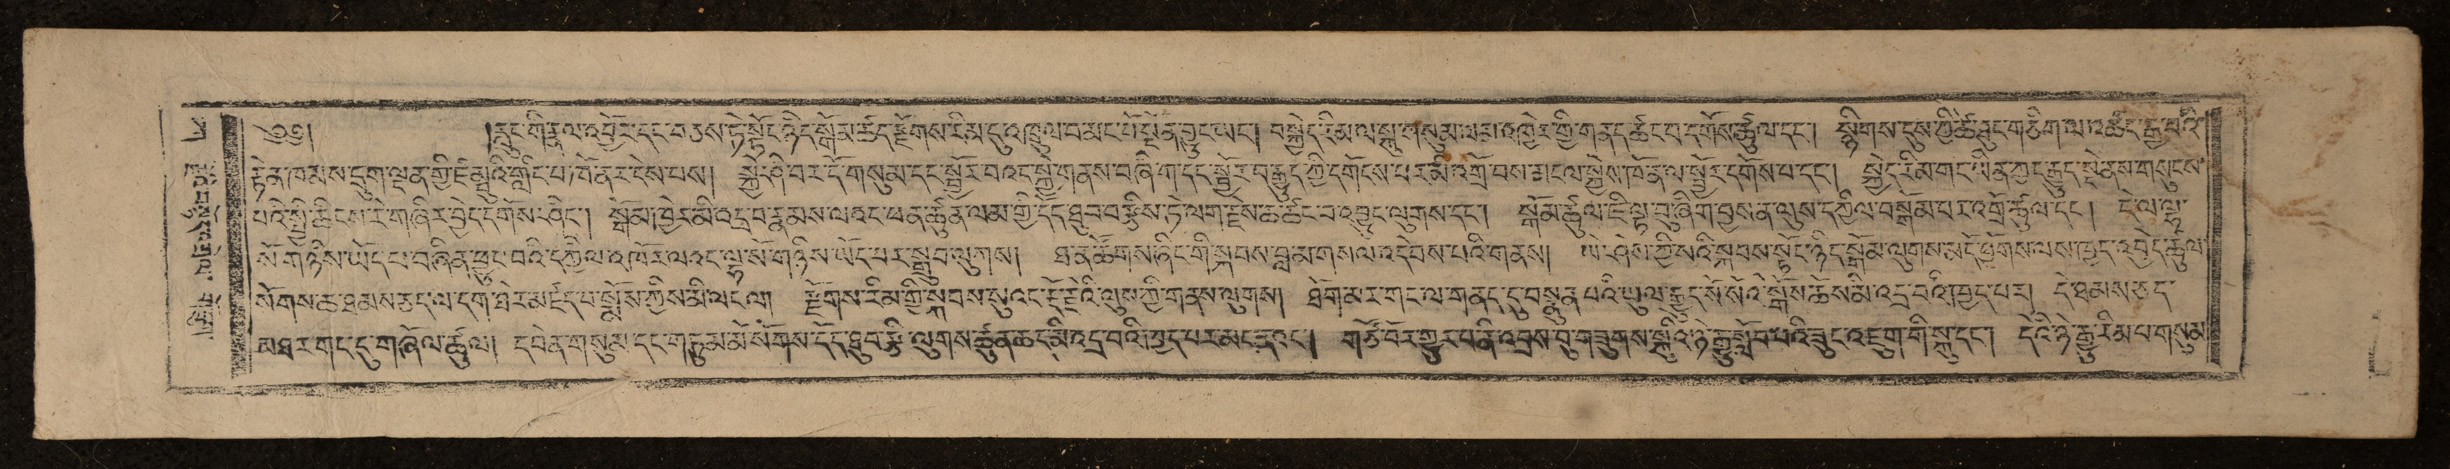༄༅། །རླུང་གི་རྣལ་འབྱོར་དང་བཅས་ཏེ་སྟོང་ཉིད་སྒོམ་ཚད་རྫོགས་རིམ་དུ་འཁྲུལ་པ་མང་པོ་སྔོན་བྱུང་ཡང་། བསྐྱེད་རིམ་ལ་སྐུ་གསུམ་ལམ་འཁྱེར་གྱི་གནད་ཚང་པ་དགོས་ཚུལ་དང་། སྙིགས་དུས་ཀྱི་ཚེ་ཐུང་གཅིག་ལ་འཚང་རྒྱ་བའི་
རྟེན་ཁམས་དྲུག་ལྡན་གྱི་ཛམྦུའི་གླིང་པ་ཁོ་ནར་ངེས་པས། སྐྱེ་ཤི་བར་དོ་གསུམ་དང་སྦྱོར་བའང་སྐྱེ་གནས་བཞི་ག་དང་སྦྱོར་པ་རྒྱུད་ཀྱི་དགོངས་པར་མི་འགྲོ་བས་མངལ་སྐྱེས་ཁོ་ན་ལ་སྦྱོར་དགོས་པ་དང་། བསྐྱེད་རིམ་གང་ཡིན་ཀྱང་རྒྱུད་སྡེ་ནས་གསུངས་
པའི་སྤྱི་ཆིངས་རེ་གཞིར་བྱེད་དགོས་ཤིང་། སྒོམ་ཁྱེར་མི་འདྲ་བ་རྣམས་ལའང་ཕན་ཚུན་ལམ་གྱི་དོད་ཐུབ་བརྩིས་ཏེ་ལག་རྗེས་ཆ་ཚང་བ་འབྱུང་ལུགས་དང་། སྒོམ་ཚུལ་ཇི་ལྟ་བུ་ཞིག་བྱས་ན་ལུས་དཀྱིལ་སྒོམ་པར་འགྲོ་ཚུལ་དང་། དེ་ལ་ལྷ་
སོ་གཉིས་ཡོད་པ་བཞིན་ཕྱུང་བའི་དཀྱིལ་འཁོར་ལའང་ལྷ་སོ་གཉིས་ཡོད་པར་སྒྲུབ་ལུགས། ཐ་ན་ཚོགས་ཞིང་གི་སྐབས་བླ་མ་གསལ་འདེབས་པའི་གནས། ཡེ་ཤེས་ཀྱི་སའི་སྐབས་སྟོང་ཉིད་སྒོམ་ལུགས་མདོ་ཕྱོགས་ལས་ཁྱད་འབྱེད་ཚུལ་
སོགས་ཆ་ཐམས་ཅད་ལ་དག་ཐེར་མཛད་བ་སྨོས་ཀྱིས་མི་ལང་ལ། རྫོགས་རིམ་གྱི་སྐབས་སུའང་རྡོ་རྗེའི་ལུས་ཀྱི་གནས་ལུགས། ཐོག་མར་གང་ལ་གནད་དུ་བསྣུན་པའི་ཡུལ་རྒྱུད་སོ་སོའི་སྒོས་ཆོས་མི་འདྲ་བའི་ཁྱད་པར། དེ་ཐམས་ཅད་
མཐར་གང་དུ་གཞོལ་ཚུལ། དབེན་གསུམ་དང་གཏུམ་མོ་སོགས་དོང་ཐུབ་རྩི་ལུགས་ཚུན་ཆད་མི་འདྲ་བའི་ཁྱད་པར་མང་ནའང་། གཙོ་བོར་གྱུར་པ་ནི་འབྲས་བུ་གཟུགས་སྐུའི་ཉེ་རྒྱུ་སློབ་པའི་ཟུང་འཇུག་གི་སྐུ་དང་། དེའི་ཉེ་རྒྱུ་རིམ་པ་གསུམ་